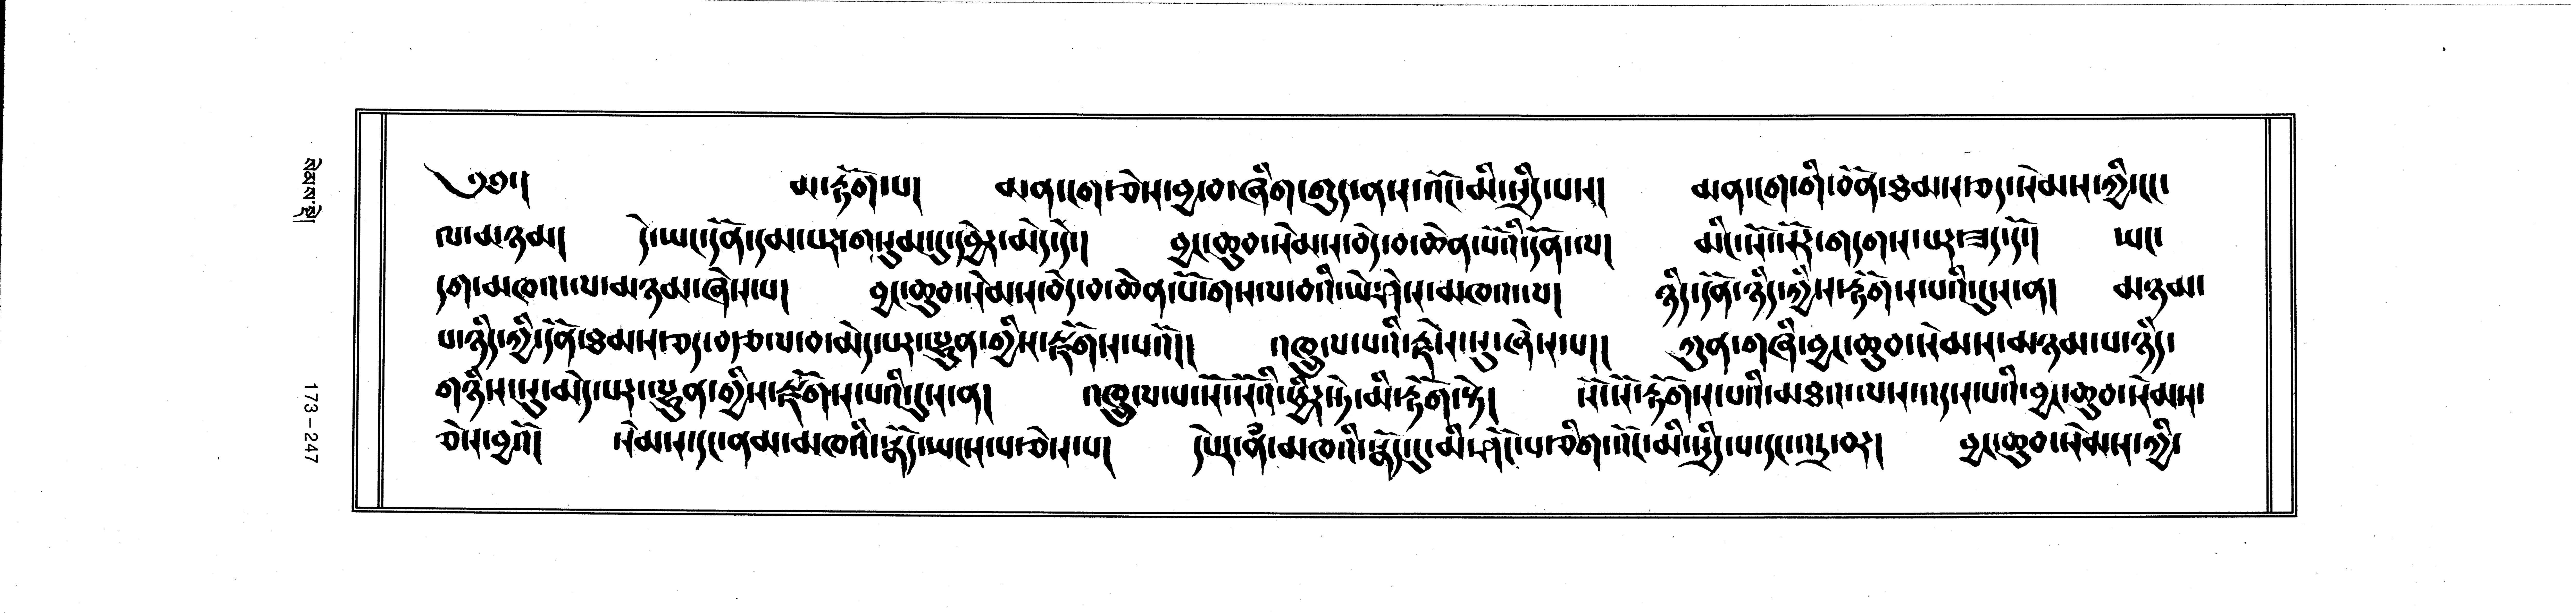མ་གཏོགས་པ། མན་ངག་ཅེས་བྱ་བ་ཞིག་གུད་ནས་འོང་མི་སྲིད་པས། མན་ངག་གི་བོན་ཐམས་ཅད་སེམས་ཀྱི་ངང་
ལ་མཉམ། དེ་ཡང་དོན་དམ་པར་གསུམ་དུ་དབྱེར་མེད་དེ། བྱང་ཆུབ་སེམས་བདེ་བ་ཆེན་པོའི་དོན་ལ། མིང་སོ་སོར་གདགས་པར་ཟད་དོ། ཡང་
དག་མཁའ་ལ་མཉམ་ཞེས་པ། བྱང་ཆུབ་སེམས་བདེ་བ་ཆེན་པོ་གསལ་བའི་ཡེ་ཤེས་མཁའ་ལ། ཉིད་དོན་ཉིད་ཀྱིས་རྟོགས་པའི་དུས་ན། མཉམ་
པ་ཉིད་ཀྱི་དོན་ཐམས་ཅད་བརྩལ་བ་མེད་པར་ལྷུན་གྱིས་རྫོགས་པའོ། །འཁྲུལ་པའི་རྗེས་སུ་ཞེས་པ། ཀུན་གཞི་བྱང་ཆུབ་སེམས་མཉམ་པ་ཉིད་
གཉིས་སུ་མེད་པར་ལྷུན་གྱིས་རྫོགས་པའི་དུས་ན། འཁྲུལ་པ་སོ་སོའི་ཕྱིར་ཏེ་མི་ལྡོག་སྟེ། སོ་སོར་རྟོགས་པའི་མཐའ་ལས་འདས་པའི་བྱང་ཆུབ་སེམས་
ཅེས་བྱའོ། །སེམས་དང་ནམ་མཁའི་སྣོད་ཡངས་པ་ཅེས་པ། དཔེར་ནམ་མཁའི་སྣོད་དུ་ཤོང་བ་ཅིག་འོང་མི་སྲིད་པ་དང་འདྲ་བར། བྱང་ཆུབ་སེམས་ཀྱི་